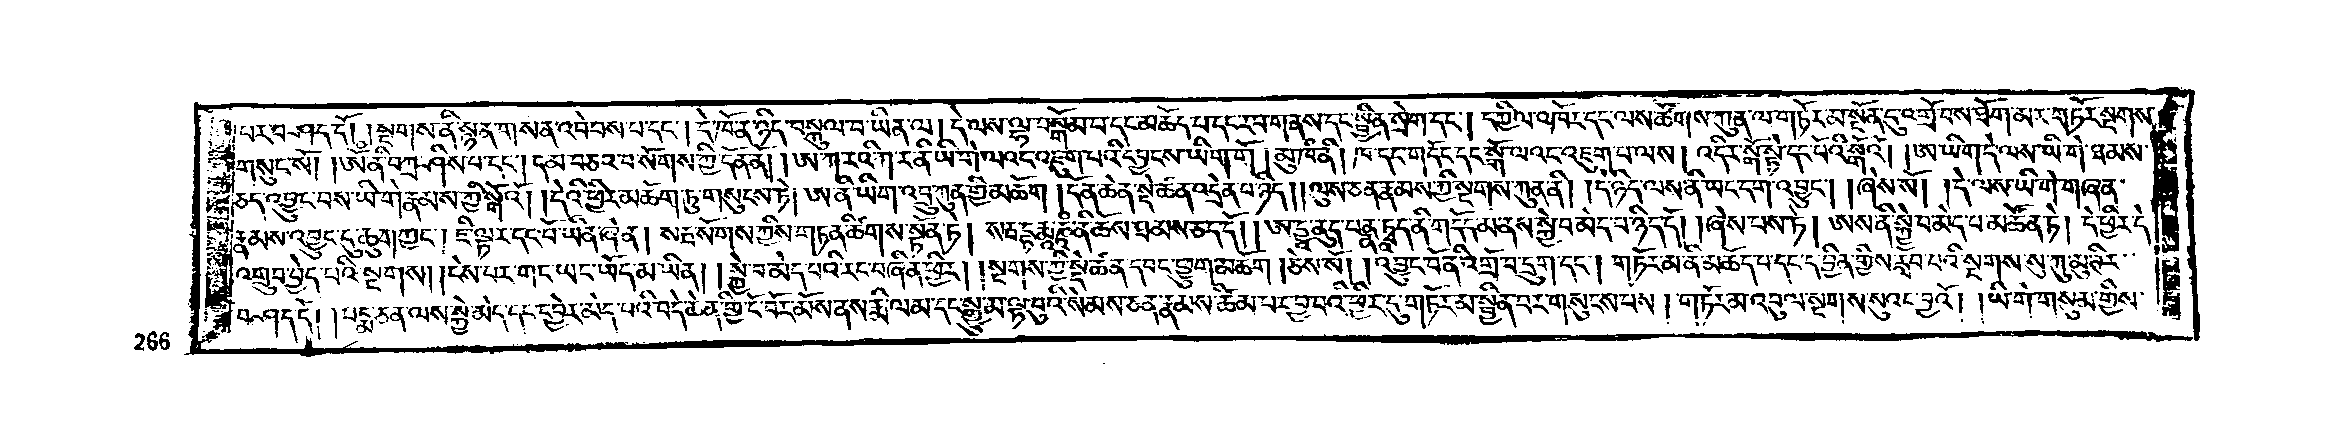པར་བཤད་དོ། །སྔགས་ནི་སྙན་གསན་འབེབས་པ་དང་། དེ་ཁོ་ན་ཉིད་བསྐུལ་བ་ཡིན་ལ། དེ་ལས་ལྷ་བསྒོམ་པ་དང་མཆོད་པ་དང་རབ་གནས་དང་སྦྱིན་སྲེག་དང་། དཀྱིལ་འཁོར་དང་ལས་ཚོགས་ཀུན་ལ་གཏོར་མ་སྔོན་དུ་འགྲོ་བས་ཐོག་མར་གཏོར་སྔགས་
གསུང་སོ། །ཨོཾ་ནི་བཀྲ་ཤིས་པ་དང་། དམ་བཅའ་བ་སོགས་ཀྱི་དོན་ནོ། །ཨ་ཀ་རའི་ཀ་ར་ནི་ཡི་གེ་ལའང་འཇུག་པའི་དབྱངས་ཡིག་གོ །མུ་ཁཾ་ནི། ཁ་དང་གདོང་དང་སྒོ་ལའང་འཇུག་པ་ལས། འདིར་སྒོ་སྟེ་དང་པོའི་སྒོའོ། །ཨ་ཡིག་དེ་ལས་ཡི་གེ་ཐམས་
ཅད་འབྱུང་བས་ཡི་གེ་རྣམས་ཀྱི་སྒོའོ། །དེའི་ཕྱིར་མཆོག་ཏུ་གསུངས་ཏེ། ཨ་ནི་ཡིག་འབྲུ་ཀུན་གྱི་མཆོག །དོན་ཆེན་སྡེ་ཚན་འདྲེན་པ་ཉིད། །ལུས་ཅན་རྣམས་ཀྱི་སྔགས་ཀུན་ནི། །དེ་ཉིད་ལས་ནི་ཡང་དག་འབྱུང་། །ཞེས་སོ། །དེ་ལས་ཡི་གེ་གཞན་
རྣམས་འབྱུང་དུ་ཆུག་ཀྱང་། ཇི་ལྟར་དང་པོ་ཡིན་ཞེ་ན། སརྦ་སོགས་ཀྱིས་གཏན་ཚིགས་སྟོན་ཏེ། སརྦ་དྷརྨཱ་ཎཱཾ་ནི་ཆོས་ཐམས་ཅད་དོ། །ཨ་ཌྱཱ་ནུད་པནྣ་ཏྭཱད་ནི་གདོད་མ་ནས་སྐྱེ་བ་མེད་པ་ཉིད་དོ། །ཞེས་པས་ཏེ། ཨས་ནི་སྐྱེ་བ་མེད་པ་མཚོན་ཏེ། དེ་ཕྱིར་དེ་
འགྲུབ་བྱེད་པའི་སྔགས། །ངེས་པར་གང་ཡང་ཡོད་མ་ཡིན། །སྐྱེ་བ་མེད་པའི་རང་བཞིན་ཕྱིར། །སྔགས་ཀྱི་སྡེ་ཚན་དབང་ཕྱུག་མཆོག །ཅེས་སོ། །འབྱུང་བོ་ནི་འགྲོ་བ་དྲུག་དང་། གཏོར་མ་ནི་མཆོད་པ་དང་དེ་བྱིན་གྱིས་རློབ་པའི་སྔགས་སུ་ཀུ་མུ་ཊིར་
བཤད་དོ། །པདམ་ཅན་ལས་སྐྱེ་མེད་དང་དབྱེར་མེད་པའི་བདེ་ཆེན་གྱི་ངོ་བོར་མོས་ནས་རྨི་ལམ་དང་སྒྱུ་མ་ལྟ་བུའི་སེམས་ཅན་རྣམས་ཚིམ་པར་བྱ་བའི་ཕྱིར་དུ་གཏོར་མ་སྦྱིན་པར་གསུངས་པས། གཏོར་མ་འབུལ་སྔགས་སུའང་བྱའོ། །ཡི་གེ་གསུམ་གྱིས་